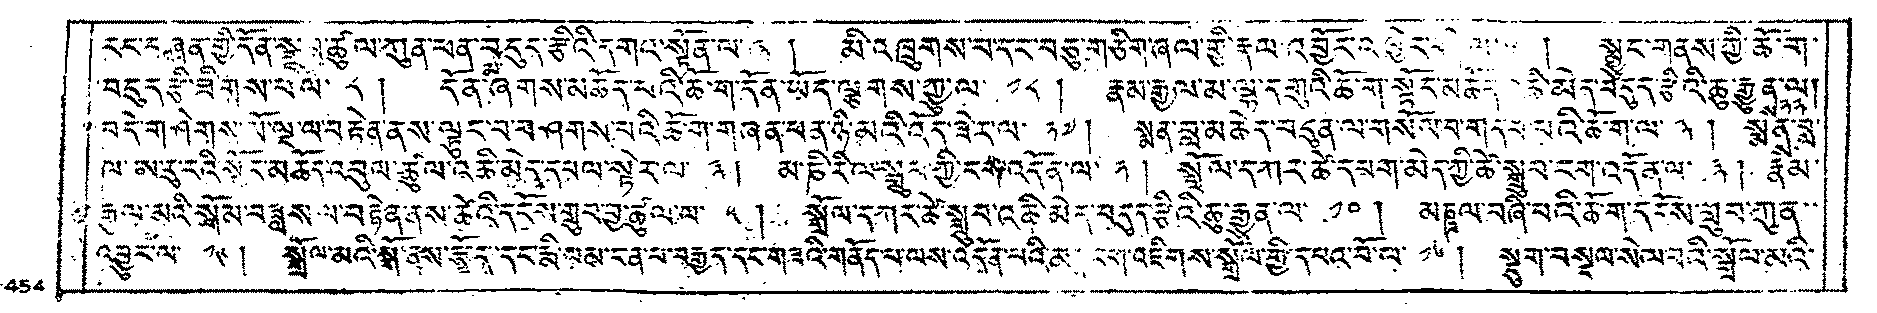རང་གཞན་གྱི་དོན་སྒྲུབ་ཚུལ་ཀུན་ཕན་བདུད་རྩིའི་དགའ་སྟོན་ལ ༣། མི་འཁྲུགས་པ་དང་བཅུ་གཅིག་ཞལ་གྱི་རྣལ་འབྱོར་འཁྱེར་བདེ་ལ ༦། སྨྱུང་གནས་ཀྱི་ཆོ་ག་
བདུད་རྩི་ཐིགས་པ་ལ ༨། དོན་མ་ཞགས་མཆོད་པའི་ཆོ་ག་དོན་ཡོད་ལྕགས་ཀྱུ་ལ ༡༨། རྣམ་རྒྱལ་མ་ལྷ་དགུའི་ཆོ་ག་སྟོང་མཆོད་འཆི་མེད་བདུད་རྩིའི་ཆུ་རྒྱུན་ལ ༢༢།
བདེ་གཤེགས་སོ་ལྔ་ལ་བརྟེན་ནས་ལྟུང་བ་བཤགས་པའི་ཆོ་ག་གཞན་ཕན་ཉི་མའི་འོད་ཟེར་ལ ༢༧། སྨན་བླ་མཆེད་བདུན་ལ་སོགས་གསོལ་བ་གདབ་པའི་ཆོ་ག་ལ ༣། སྨན་ས་བླ་
ལ་ཨ་རུ་རའི་སྟོང་མཆོད་འབུལ་ཚུལ་འཆི་མེད་དཔལ་སྟེར་ལ ༣། མ་ཎི་རིལ་སྒྲུབ་ཀྱི་ངག་འདོན་ལ ༢། སྒྲོལ་དཀར་ཚེ་དཔག་མེད་ཀྱི་ཚེ་སྒྲུབ་ངག་འདོན་ལ ༣། རྣམ་
རྒྱལ་མའི་སྒོམ་བཟླས་ལ་བརྟེན་ནས་ཚེའི་དངོས་གྲུབ་བྱ་ཚུལ་ལ ༥། སྒྲོལ་དཀར་ཚེ་སྒྲུབ་འཆི་མེད་བདུད་རྩིའི་ཆུ་རྒྱུན་ལ ༡༠། མཎྜལ་བཞི་པའི་ཆོ་ག་དངོས་གྲུབ་ཀུན་
འབྱུང་ལ ༡༤། སྒྲོལ་མའི་སྒོ་ནས་རྩོད་དང་རྨི་ལམ་ངན་པ་བརྒྱད་དང་གཟའི་གནོད་པ་ལས་འདོན་པའི་མན་ངག་འཇིགས་སྒྲོལ་གྱི་དཔའ་བོ་ལ ༡༦། སྡུག་བསྔལ་སེལ་བའི་སྒྲོལ་མའི་